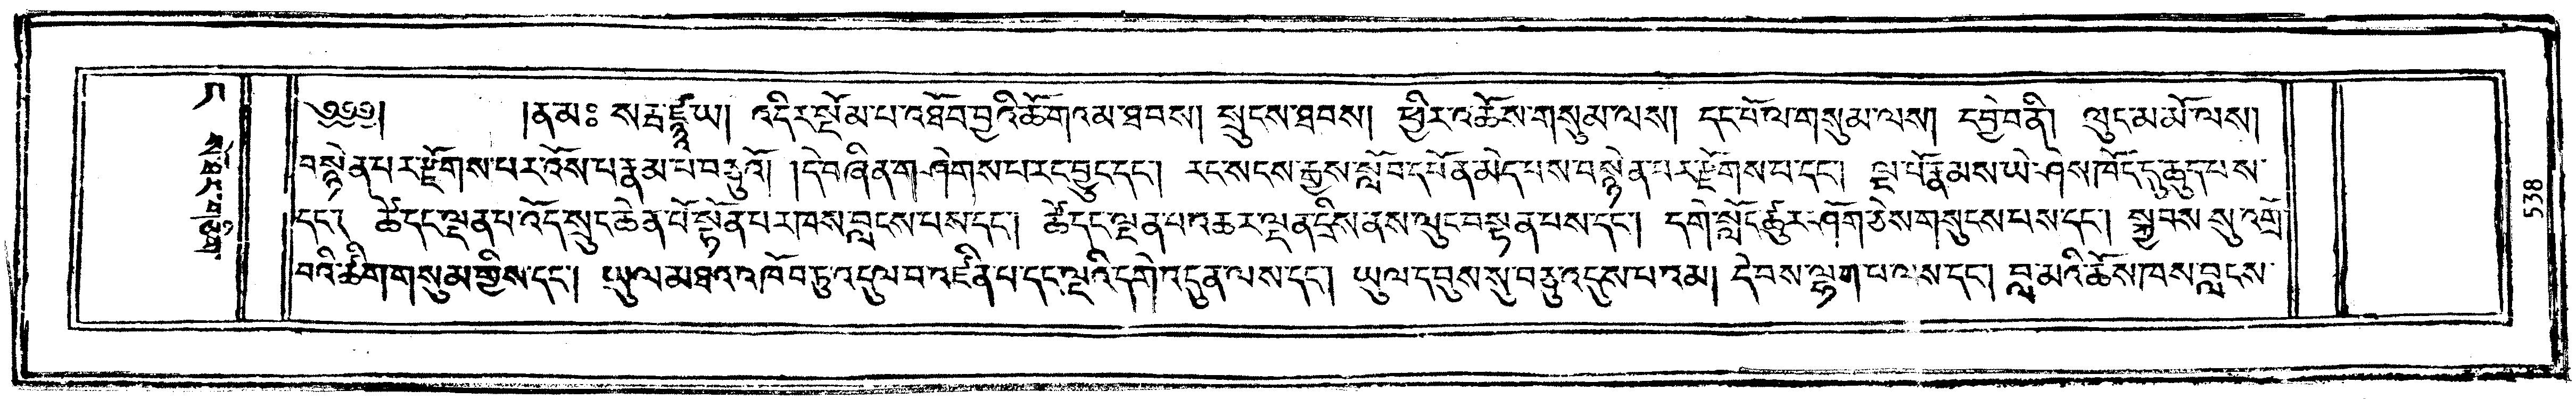༄༅༅། །ན་མཿ སརྦ་ཛྙཱ་ཡ། འདིར་སྔོམ་པ་འཐོབ་བྱའི་ཆོ་?གང་མ་ཐབས། སྲུངས་ཐབས། ཕྱིར་འཆོས་གསུམ་ལས། དང་པོ་ལ་གསུམ་ལས། དབྱེ་བ་ནི། ལུང་མ་མོ་ལས།
བསྙེན་པར་རྫོགས་པར་འོས་པ་རྣམ་པ་བཅུའོ། །དེ་བཞིན་གཤེགས་པ་རང?་བྱུང་དང་། རང་སངས་རྒྱས་སློབ་དཔོན་མེད་པས་བསྙེན་པར་རྫོགས་པ་དང་། ལྔ་པོ་རྣམས་ཡེ་ཤེས་ཁོང་དུ་ཆུད་བས་
དང༑ ཚེ་དང་ལྡན་པ་འོད་སྲུང་ཆེན་པོ་སྟོན་པར་ཁས་བླངས་པས་དང་། ཚེ་དང་ལྡན་པ་འཆར་ལྡན་དྲིས་ནས་ལུང་བསྟན་པས་དང་། དགེ་སློང་ཚུར་ཤོག་ཅེས་གསུངས་པས་དང་། སྐྱབས་སུ་འགྲོ་
བའི་ཚིག་གསུམ་གྱིས་དང་། ཡུལ་མཐའ་འཁོབ་ཏུ་འདུལ་བ་འཛིན་པ་དང་ལྔའི་དགེ་འདུན་ལས་དང་། ཡུལ་དབུས་སུ་བཅུ་འདུས་པའམ། དེ་བས་ལྷག་པ་ལས། དང་། བླ་མའི་ཆོས་ཁས་བླངས་